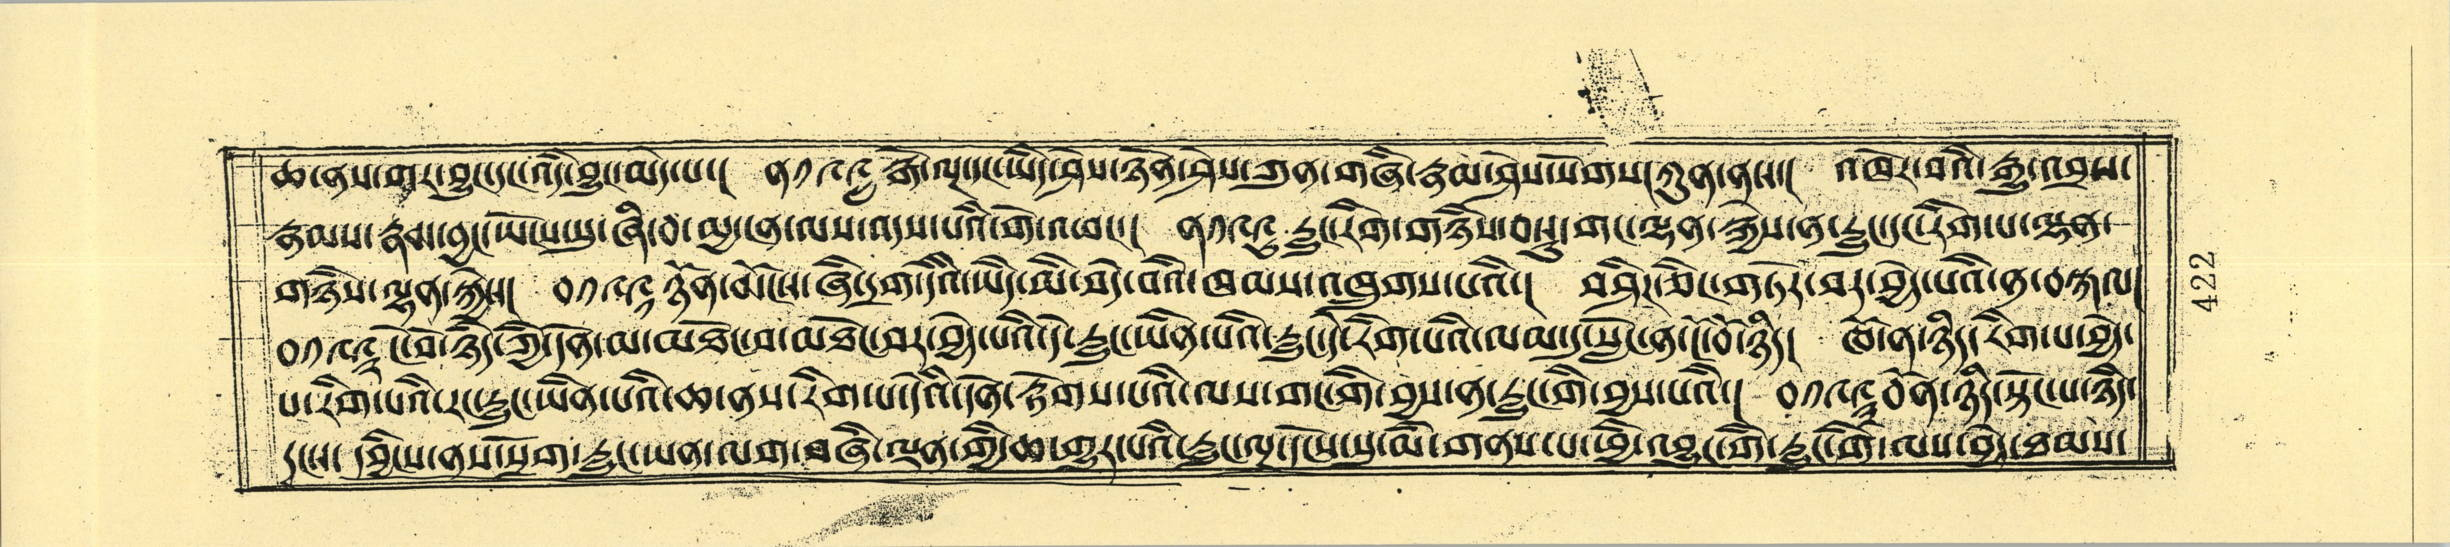ཆ་ནས་གར་བྱུང་དང་འདི་བྱུང་མེད་པ་ ན༡༩༩།༤སྒོ་ལྔ་དང་ཡིད་ཤེས་ཉོན་ཤེས་ཀུན་གཞི་རྣམ་ཤེས་སོགས་ཀུན་ནས འཁོར་བའི་རྒྱུ་འབྲས་
རྣམས་རྣམ་བྱང ཡོངས་སུ་ཞི་བ་མྱ་ངན་ལས་འདས་པའི་གོ་འཕང་ ན༡༩༩།༦རླུང་རིག་གཉིས་བསྡུ་གང་ལྷན་སྐྱེས་ན་རླུང་དང་རིག་པ་ལྷན་
གཉིས་ལྷན་སྐྱེས་ བ༡༩༡།༡ཉོན་མོངས་ཞི་དྲག་དེའི་ཡིད་མི་བདེ་བའི་ཁམས་འཁྲུག་པའི། བཤིགས་ཤིང་གཏོར་བར་བྱེད་པས་ནས་བསྐལ་
བ༡༩༩།༢ངོ་བོ་ཉིད་ཀྱི་དོན་མ་མཐོང་བ་མཐོང་བར་བྱེད་པའི་དེ་རླུང་ཡིན་པས་རླུང་དེ་རིག་པའི་ལམ་དུ་སློང་ན་ངོ་བོ་ཉིད་ ཁོ་ན་ཉིད་རིག་པ་བྱེད་
པ་རིག་པའི་རང་རླུང་ཡིན་པའི་ཆ་ནས་རིག་པ་དེའི་དོན་རྟོགས་པའི་ལས་གང་གིས་བྱས་ན་རླུང་གིས་བྱས་པའི། བ༡༡༩།༣བོན་ཉིད་སྟོང་པ་ཉིད་
དངས་དབྱིངས་ནས་སྲོག་རླུང་ཡན་ལག་བཞི་ལྡན་གྱི་ཆར་གྱུར་པའི་རླུང་ལྔ་དངོས་སུ་མི་གནས་པ་ཕྱི་འབྱུང་གི་རླུང་གི་ལས་བྱེད་ཐམས་